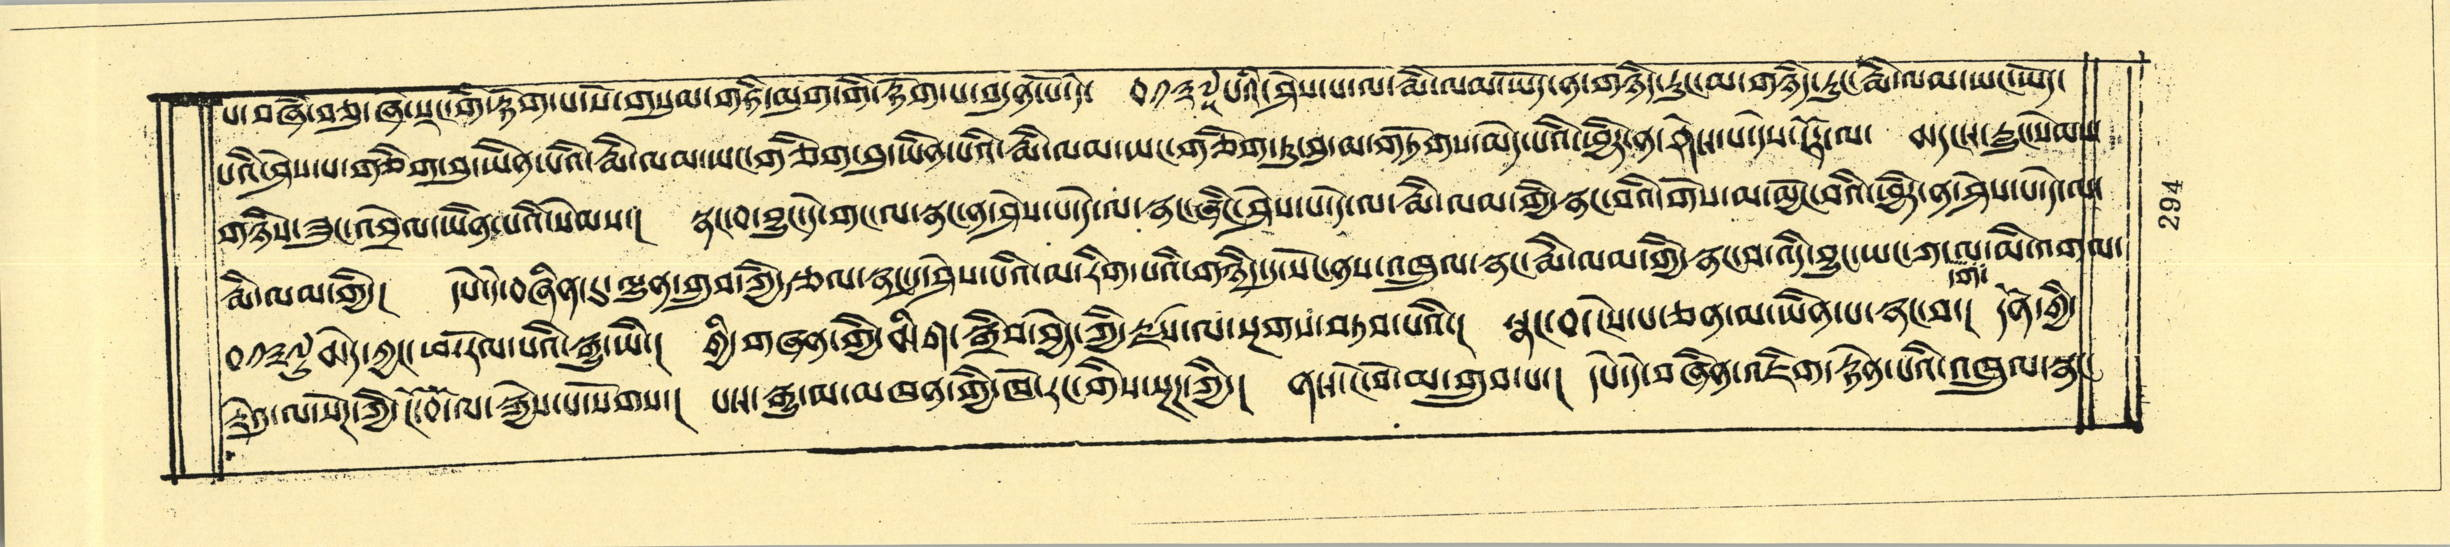པ་བཞི་བཅུ་ཞེ་སྡང་གི་རྟོག་པ་སོ་གསུམ་གཏི་མུག་གི་རྟོག་པ་བདུན་པོ་དེ། བ༡༣༧།༥ ༼པའི་༽ཤེས་པ་ལ་རྨི་ལམ་ཡོད་ན་གཉིད་རུང་མ་གཉིད་རུང་རྨི་ལམ་ཡང་ཡོད་
པའི་ཤེས་པ་གཅིག་བུ་ཡིན་པའི་རྨི་ལམ་ཡང་གཅིག་བུ་ཡིན་པའི་རྨི་ལམ་ཡང་གཅིག་ཏུ་བུ་མ་གཏོགས་མེད་པའི་ཕྱིར་ན་ ༼ཤེས་པ་༽དེས་ ༼ངོར་༽ལ། ༼མདངས་༽རླུང་སེམས་
གཉིས་ཟུང་འབྲེལ་ཡིན་པའི་སེམས། སྣང་བ་བྱུང་དེ་གང་ལ་སྣང་ན་ཤེས་པ་དེ་ལ་སྣང་ཞིང་ཤེས་པ་དེ་ལ་རྨི་ལམ་གྱི་སྣང་བའི་གོས་མ་མྱོང་བའི་ཕྱིར་ན་ཤེས་པ་དེ་ལ་
རྨི་ལམ་གྱི། དཔེ་དེ་ ༼བཞིན་དུ་༽ལྷུན་གྲུབ་ཀྱི་རྩལ་སྣང་དུ་ཤེས་པའི་མ་རིག་པའི་གཉིད་དུ་སོང་ནས་འཁྲུལ་སྣང་རྨི་ལམ་གྱི་སྣང་བ་འདི་བྱུང་ཡང་ཀ་དག་ལ་མི་འགལ་
བ༡༣༧།༦ ༼མེད་ཀྱང་༽ཕ་རོལ་པའི་སྒྱུ་ཡི། ༼གྱི་༽གཞན་གྱི་ ༼མིག་༽སྒྲིབ་བྱེད་ཀྱི་རྫས་ལ་སྔགས་བཏབ་པའི། ༼སྣང་བ་༽ངེས་པ་ཅན་མ་ཡིན་པ་སྣང་བ། ༼དོན་གྱི་༽
རྡེའུ་ལ་སོགས་ཀྱི་ ༼ངོ་བོ་ལ་༽སྐྱེས་པ་སོགས། ༼པས་༽སྒྱུ་མ་མཁན་གྱི་ཁོ་རང་གིས་སྔགས་ཀྱི། ༼ནས་༽ངོ་བོ་མ་གྲུབ་པ། དཔེ་དེ་བཞིན་འཇིག་རྟེན་པའི་འཁྲུལ་སྣང་